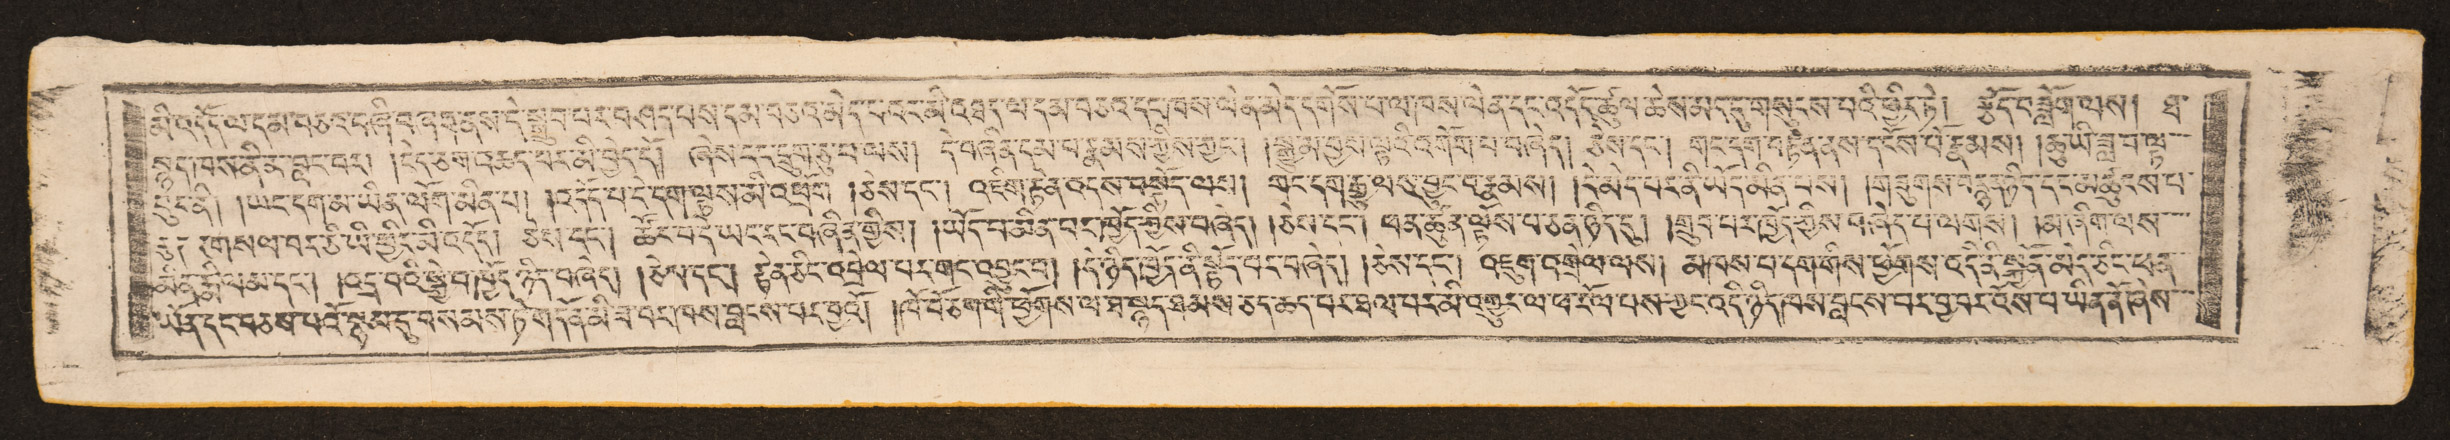མི་འདོད་ལ་དམ་བཅའ་བཞི་བཞན་ནས་དེ་སྒྲུབ་པར་བཤད་པས་དམ་བཅའ་མེད་པའང་མི་འཐད་ལ་དམ་བཅའ་དང་ཁས་ལེན་མེད་དགོས་པ་ལ་ཁས་ལེན་དང་འདོད་ཚུལ་ཆེས་མང་དུ་གསུངས་པའི་ཕྱིར་ཏེ། རྩོད་བཟློག་ལས། ཐ་
སྙད་ཁས་ནི་མ་བླང་བར། །དེད་ཅག་འཆད་པར་མི་བྱེད་དོ། ཞེས་དང་དྲུག་ཅུ་བ་ལས། དེ་བཞིན་དམ་པ་རྣམས་ཀྱིས་ཀྱང་། །སྒྱུ་མ་བྱས་ལྟའི་འགོག་པ་བཞེད། ཅེས་དང་། གང་དག་བརྟེན་ནས་དངོས་པོ་རྣམས། །ཆུ་ཡི་ཟླ་བ་ལྟ་
ཕུར་ནི། །ཡང་དག་མ་ཡིན་ལོག་མིན་པ། །འདོད་པ་དེ་དག་ལྟས་མི་འཕྲོག །ཅེས་དང་། འཇིག་རྟེན་འདས་བསྟོད་ལས། གང་དག་རྒྱུ་ལས་བྱུང་བ་རྣམས། །དེ་མེད་པར་ནི་ཡོད་མིན་པས། །གཟུགས་བརྙན་ཉིད་དང་མཚུངས་པ་
རུ། །གསལ་བར་ཅི་ཡི་ཕྱིར་མི་འདོད། ཅེས་དང་། ཚོར་པ་དེ་ཡང་རང་བཞིན་གྱིས། །ཡོད་པ་མིན་པར་ཁྱོད་ཀྱིས་བཞེད། །ཅེས་དང་། ཕན་ཚུན་ལྟོས་པ་ཅན་ཉིད་དུ། །གྲུབ་པར་ཁྱོད་ཀྱིས་བཞེད་པ་ལགས། །མ་ཞིག་ལས་
མིན་རྨི་ལམ་དང་། །འདྲ་བའི་སྐྱེ་བ་ཁྱོད་ཉིད་བཞེད། །ཅེས་དང་། རྟེན་ཅིང་འབྲེལ་པར་གང་འབྱུང་བ། །དེ་ཉིད་ཁྱོད་ནི་སྟོད་པར་བཞེད། །ཅེས་དང་། འཇུག་འགྲེལ་ལས། མཁས་པ་དག་གིས་ཕྱོགས་འདི་ནི་སྐྱོན་མེད་ཅིང་ཕན།
ཡོན་དང་བཅས་པའོ་སྙམ་དུ་བསམས་ཏེ་གདོན་མི་ཟ་བར་ཁས་བླངས་པར་བྱའོ། །ཁོ་བོ་ཅག་གི་ཕྱོགས་ལ་ཐ་སྙད་ཐམས་ཅད་ཆད་པར་ཐལ་པར་མི་འགྱུར་ལ་ཕ་རོལ་པས་ཀྱང་འདི་ཉིད་ཁས་བླངས་བར་བྱ་བར་འོས་པ་ཡིན་ནོ་ཞེས་